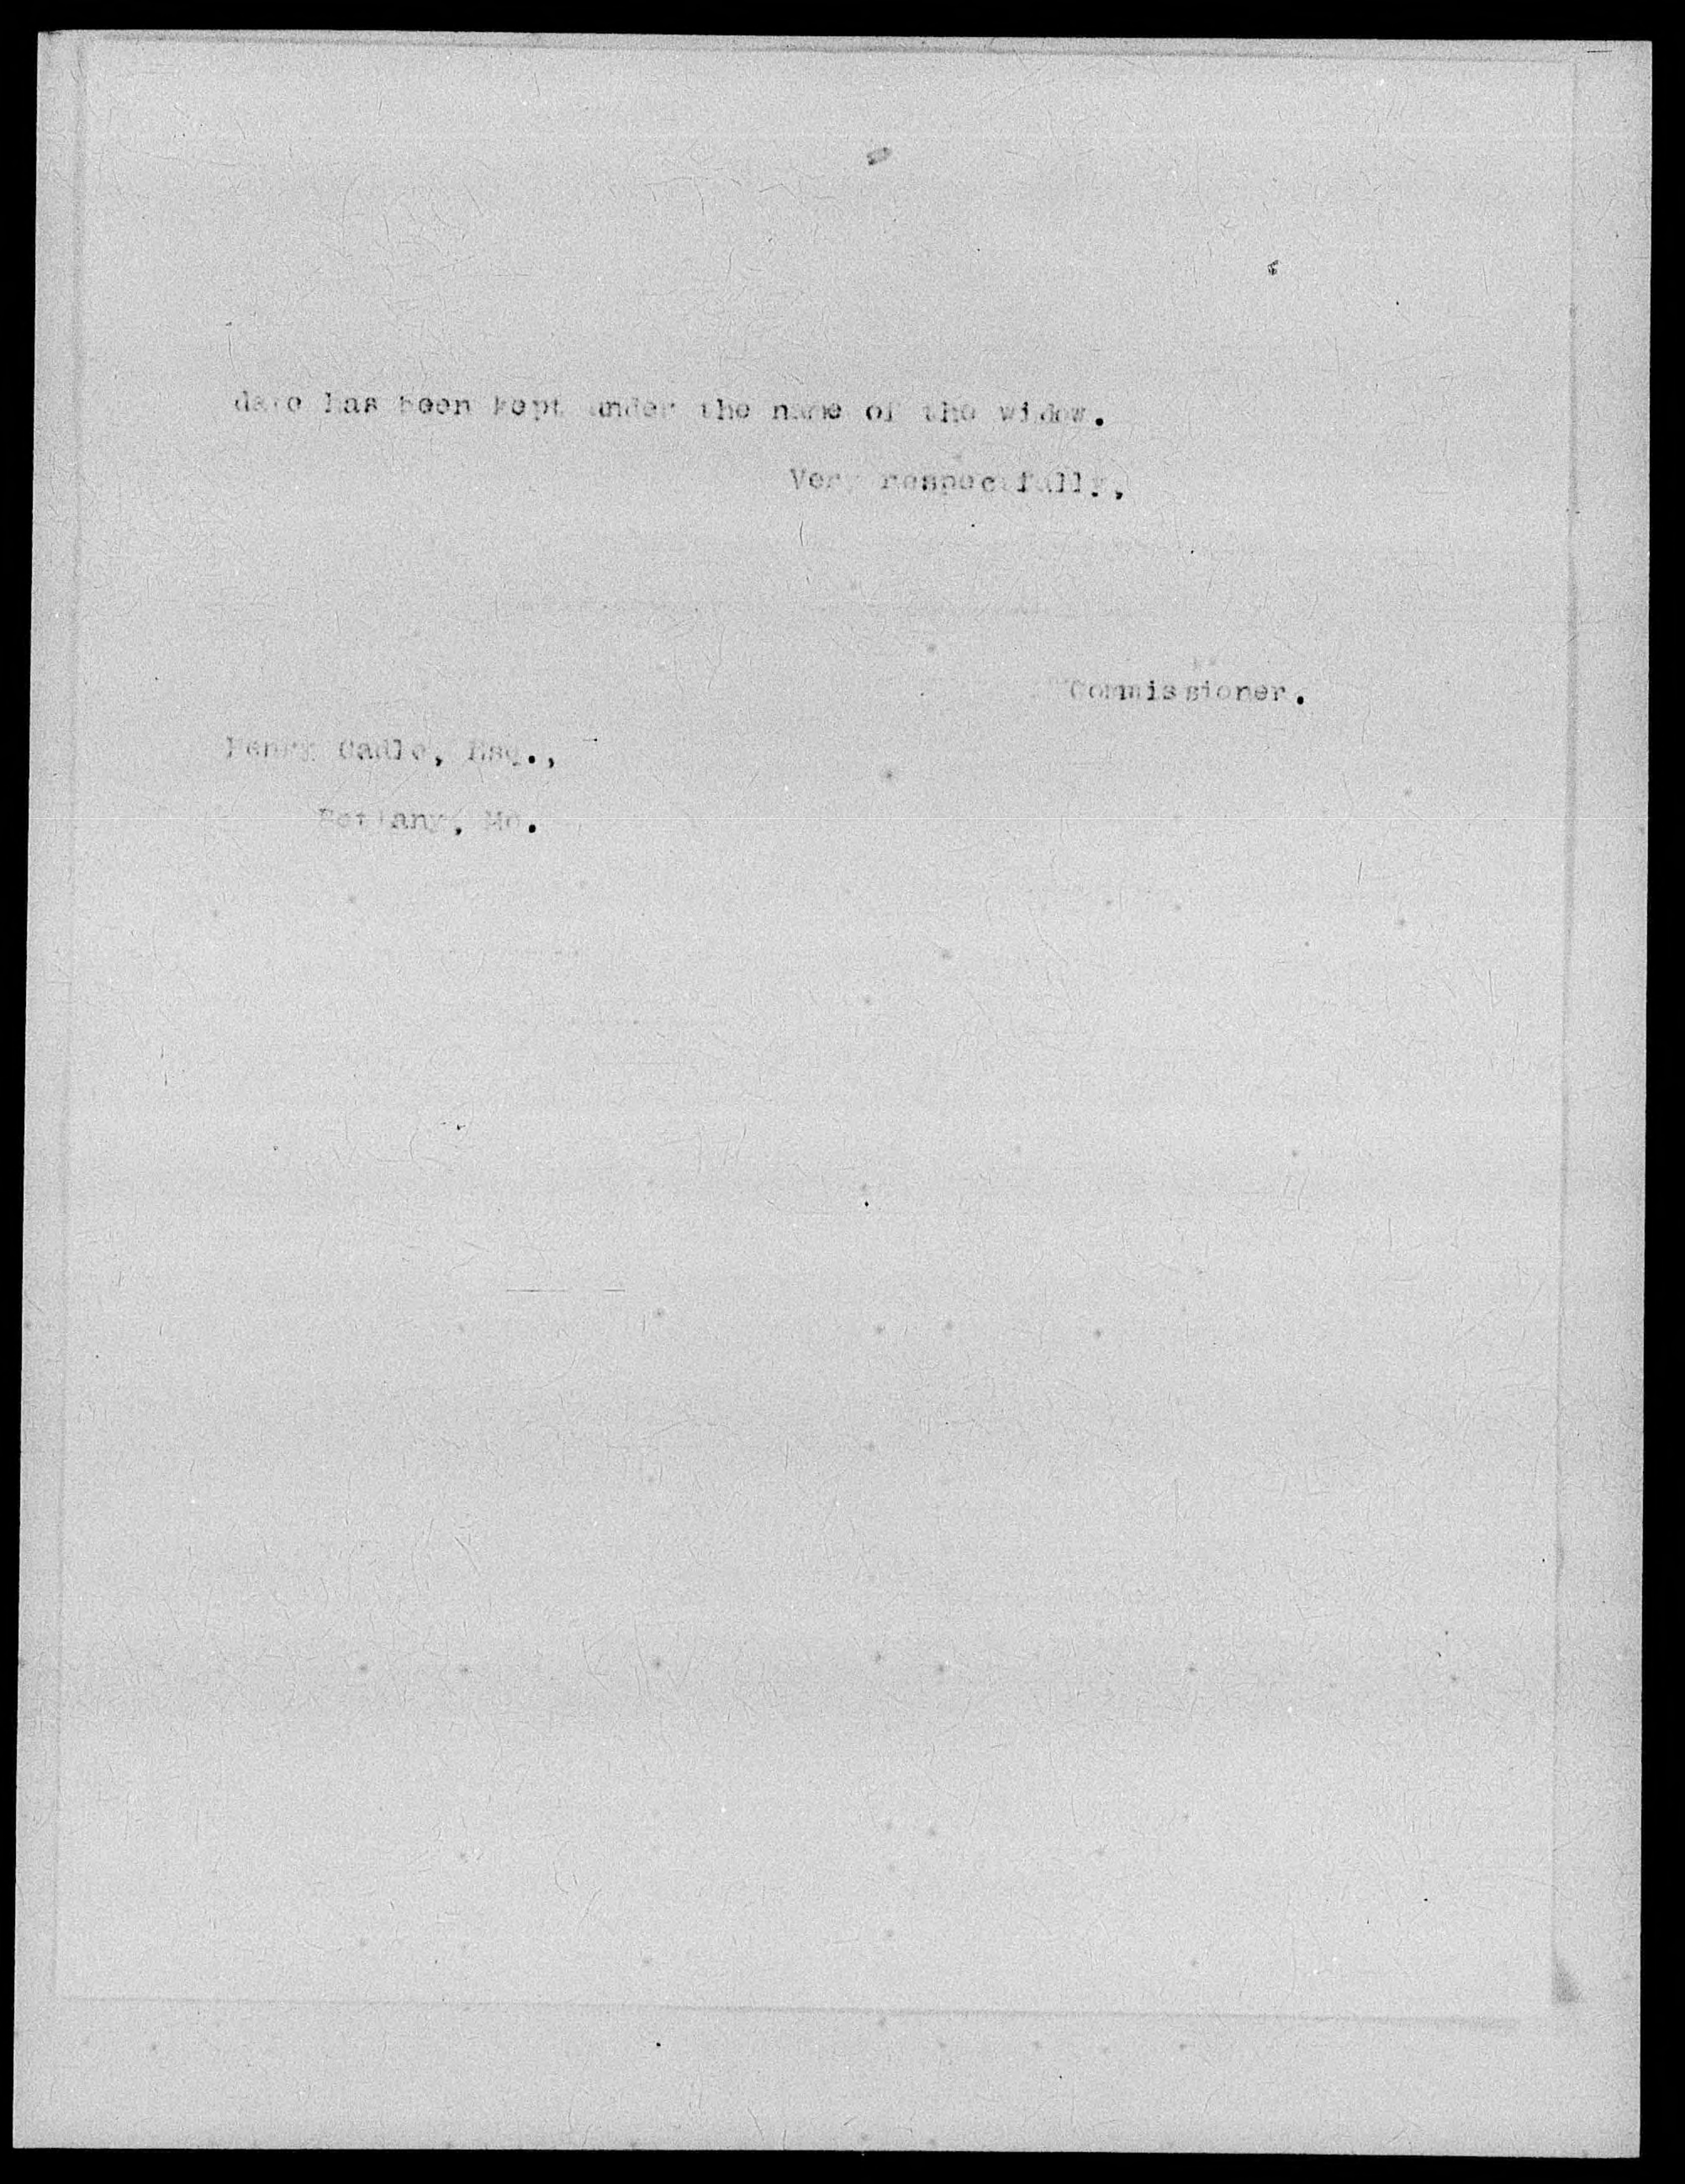date has been kept under the name of the widow.
Very respectfully
Commissioner,
Henry Cadle, Esq.,
Bethany, Mo.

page: 16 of 53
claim: widow's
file: W. 492, for Daniel Lamprey, New Hampshire